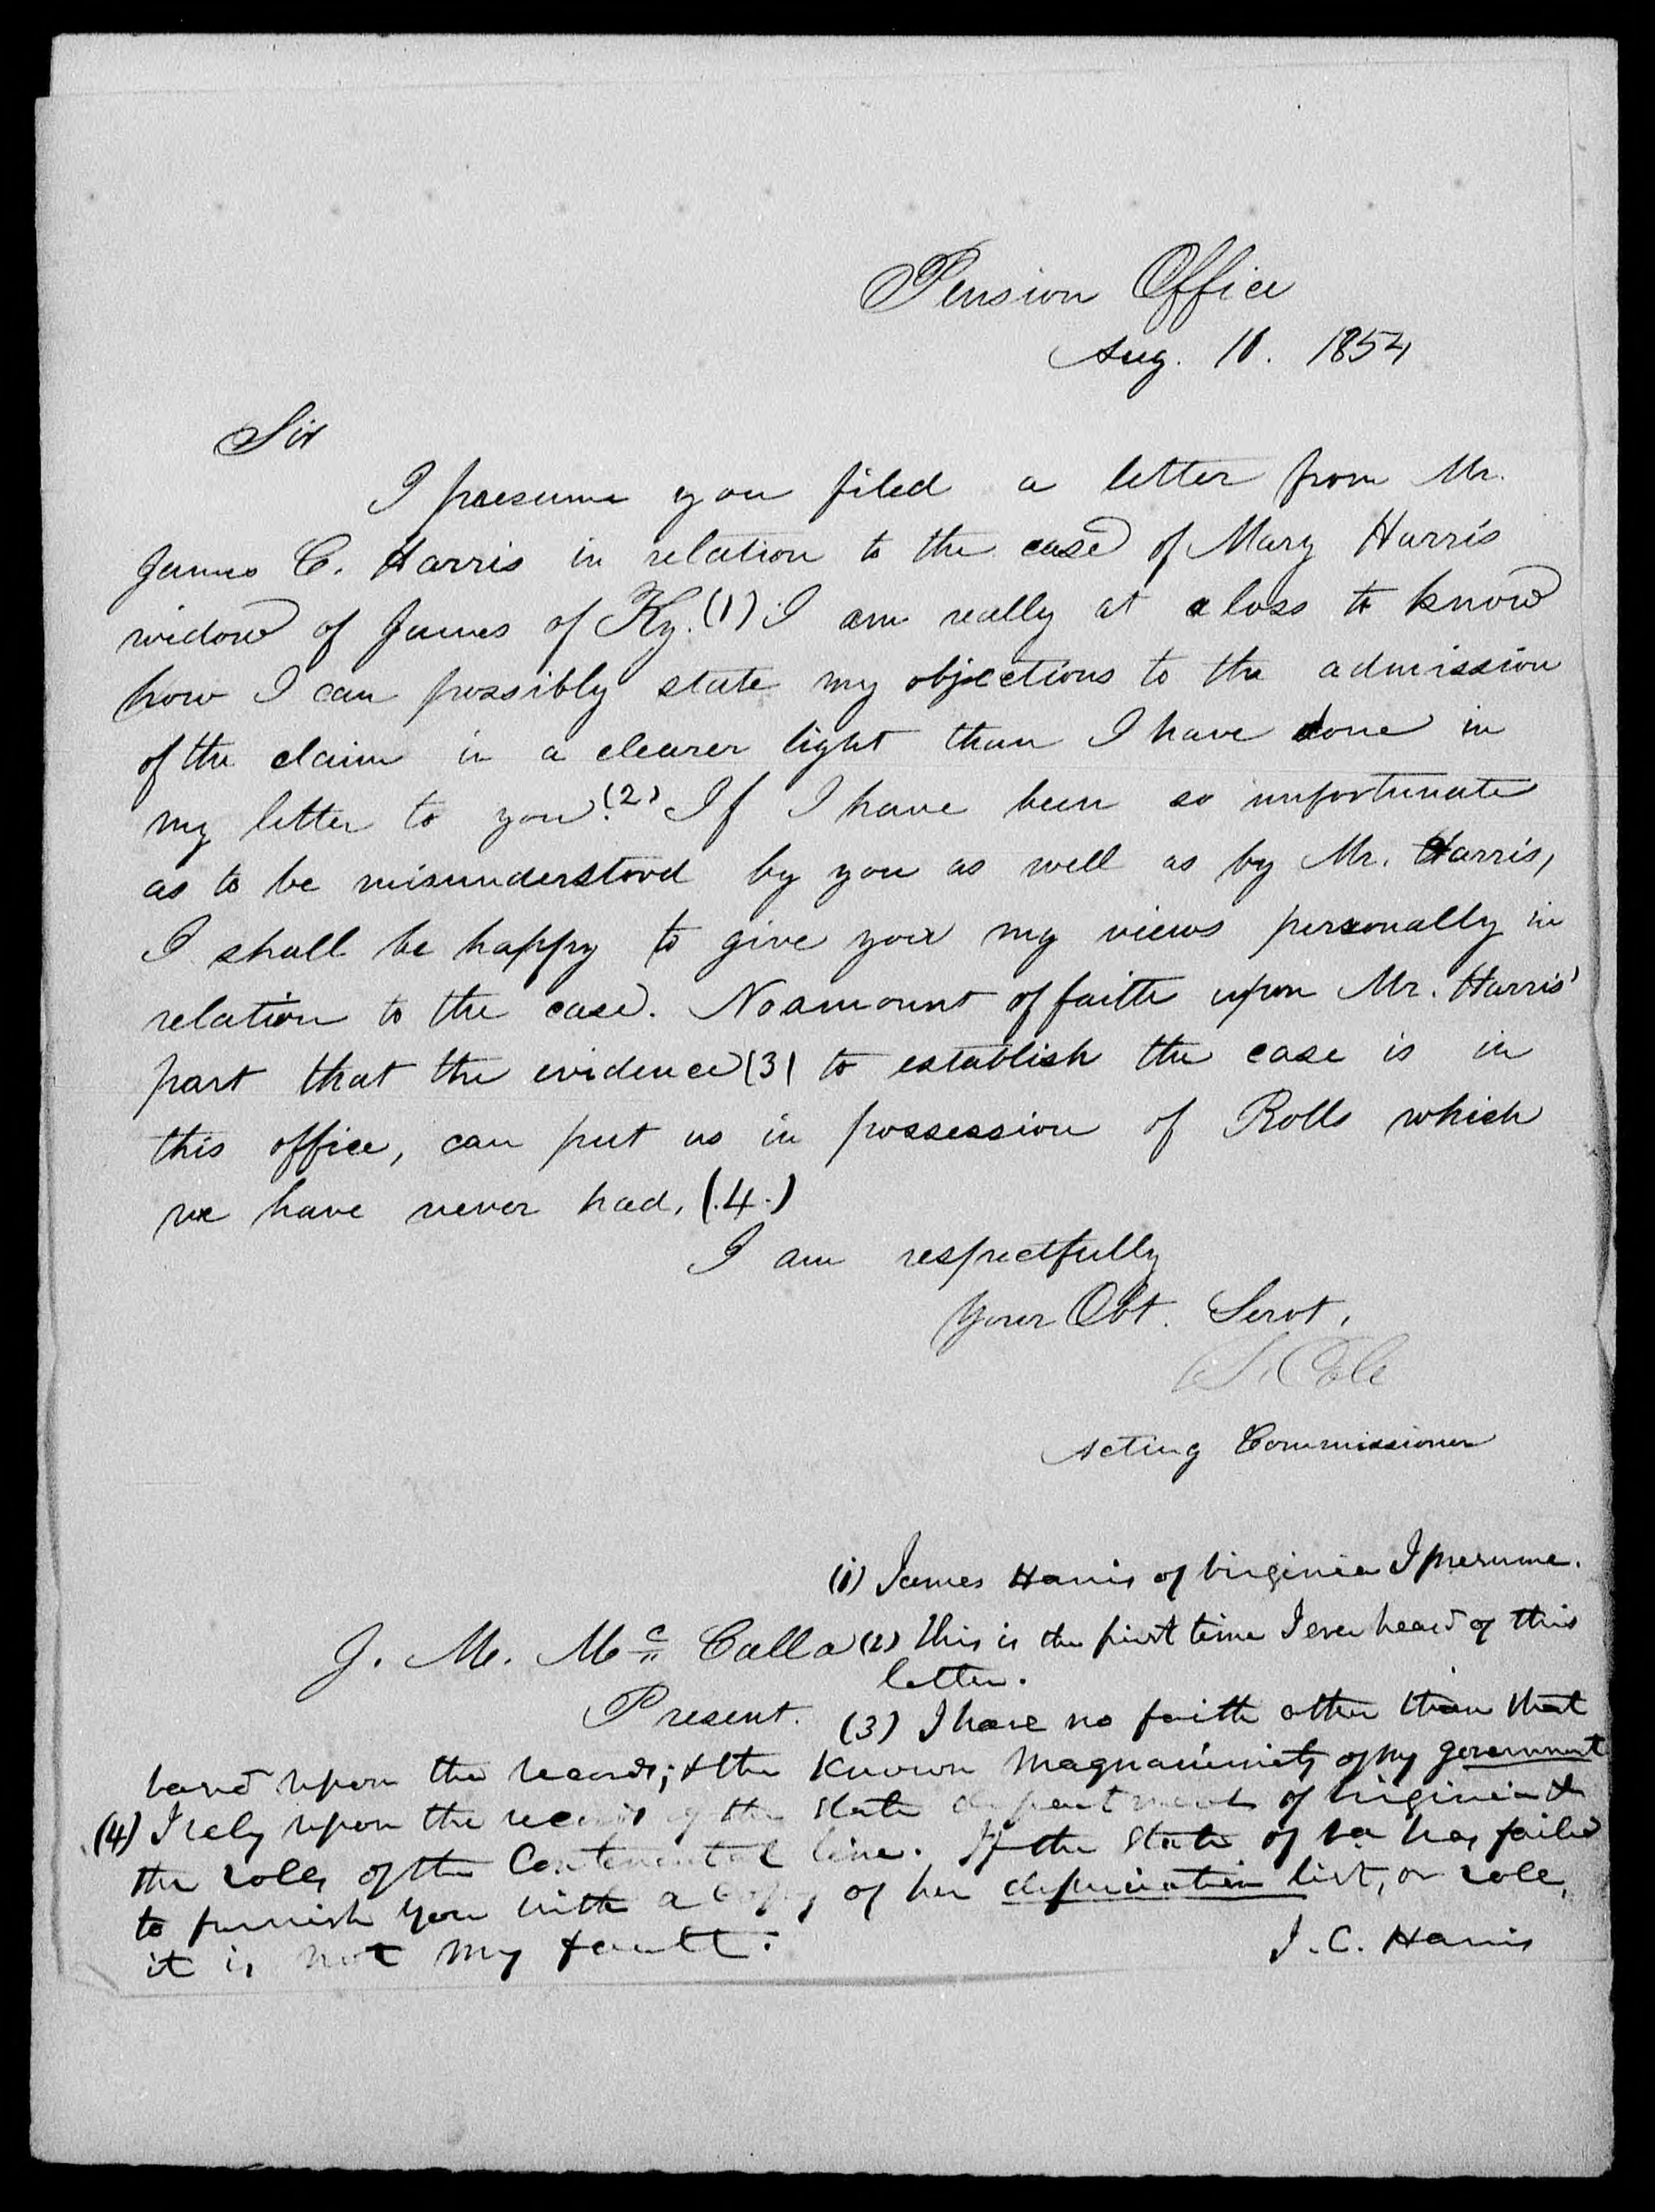Pension Office
Aug 1[?]  1854

Sir
I presume you filed a letter from Mr. James C. Harris in relation to the case of Mary Harris widow of James of Ky, (1) I am really at a loss to know how I can possibly state my objections to the admission of the claim in a clearer light than I have done in my letter to you. (2) If I have been so unfortunate as to be misunderstood by you as well as by Mr. Harris, I shall be happy to give you my views personally in relation to the case.  No amount of faith upon Mr. Harris' part that the evidence (3) to establish the case is in this office, can put us in possession of Rolls which we have never had. (4)
I am respectrully
Your Obt Servt
S. Cole
Acting Commissioner

J. M. McCalla
Present

[different handwriting]
(1) James Harris of Virginia I presume,
(2) This is the first time I ever heard of his letter.
(3) I have no faith other than that based upon the record, & the known magnanimity of my government.
(4) I rely upon the record of the State department of Virginia & the rolls of the Continental line.  If the State of Va has failed to furnish you with a copy of her depreciation list, or roll, it is not my fault.
J. C. Harris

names: James Harris, J M Mc Calla, Mary Harris, James Harris, James C Harris, S Cole, Harris, Harris, J C Harris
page: 128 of 160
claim: rejected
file: R. 4666, James Harris, Va.